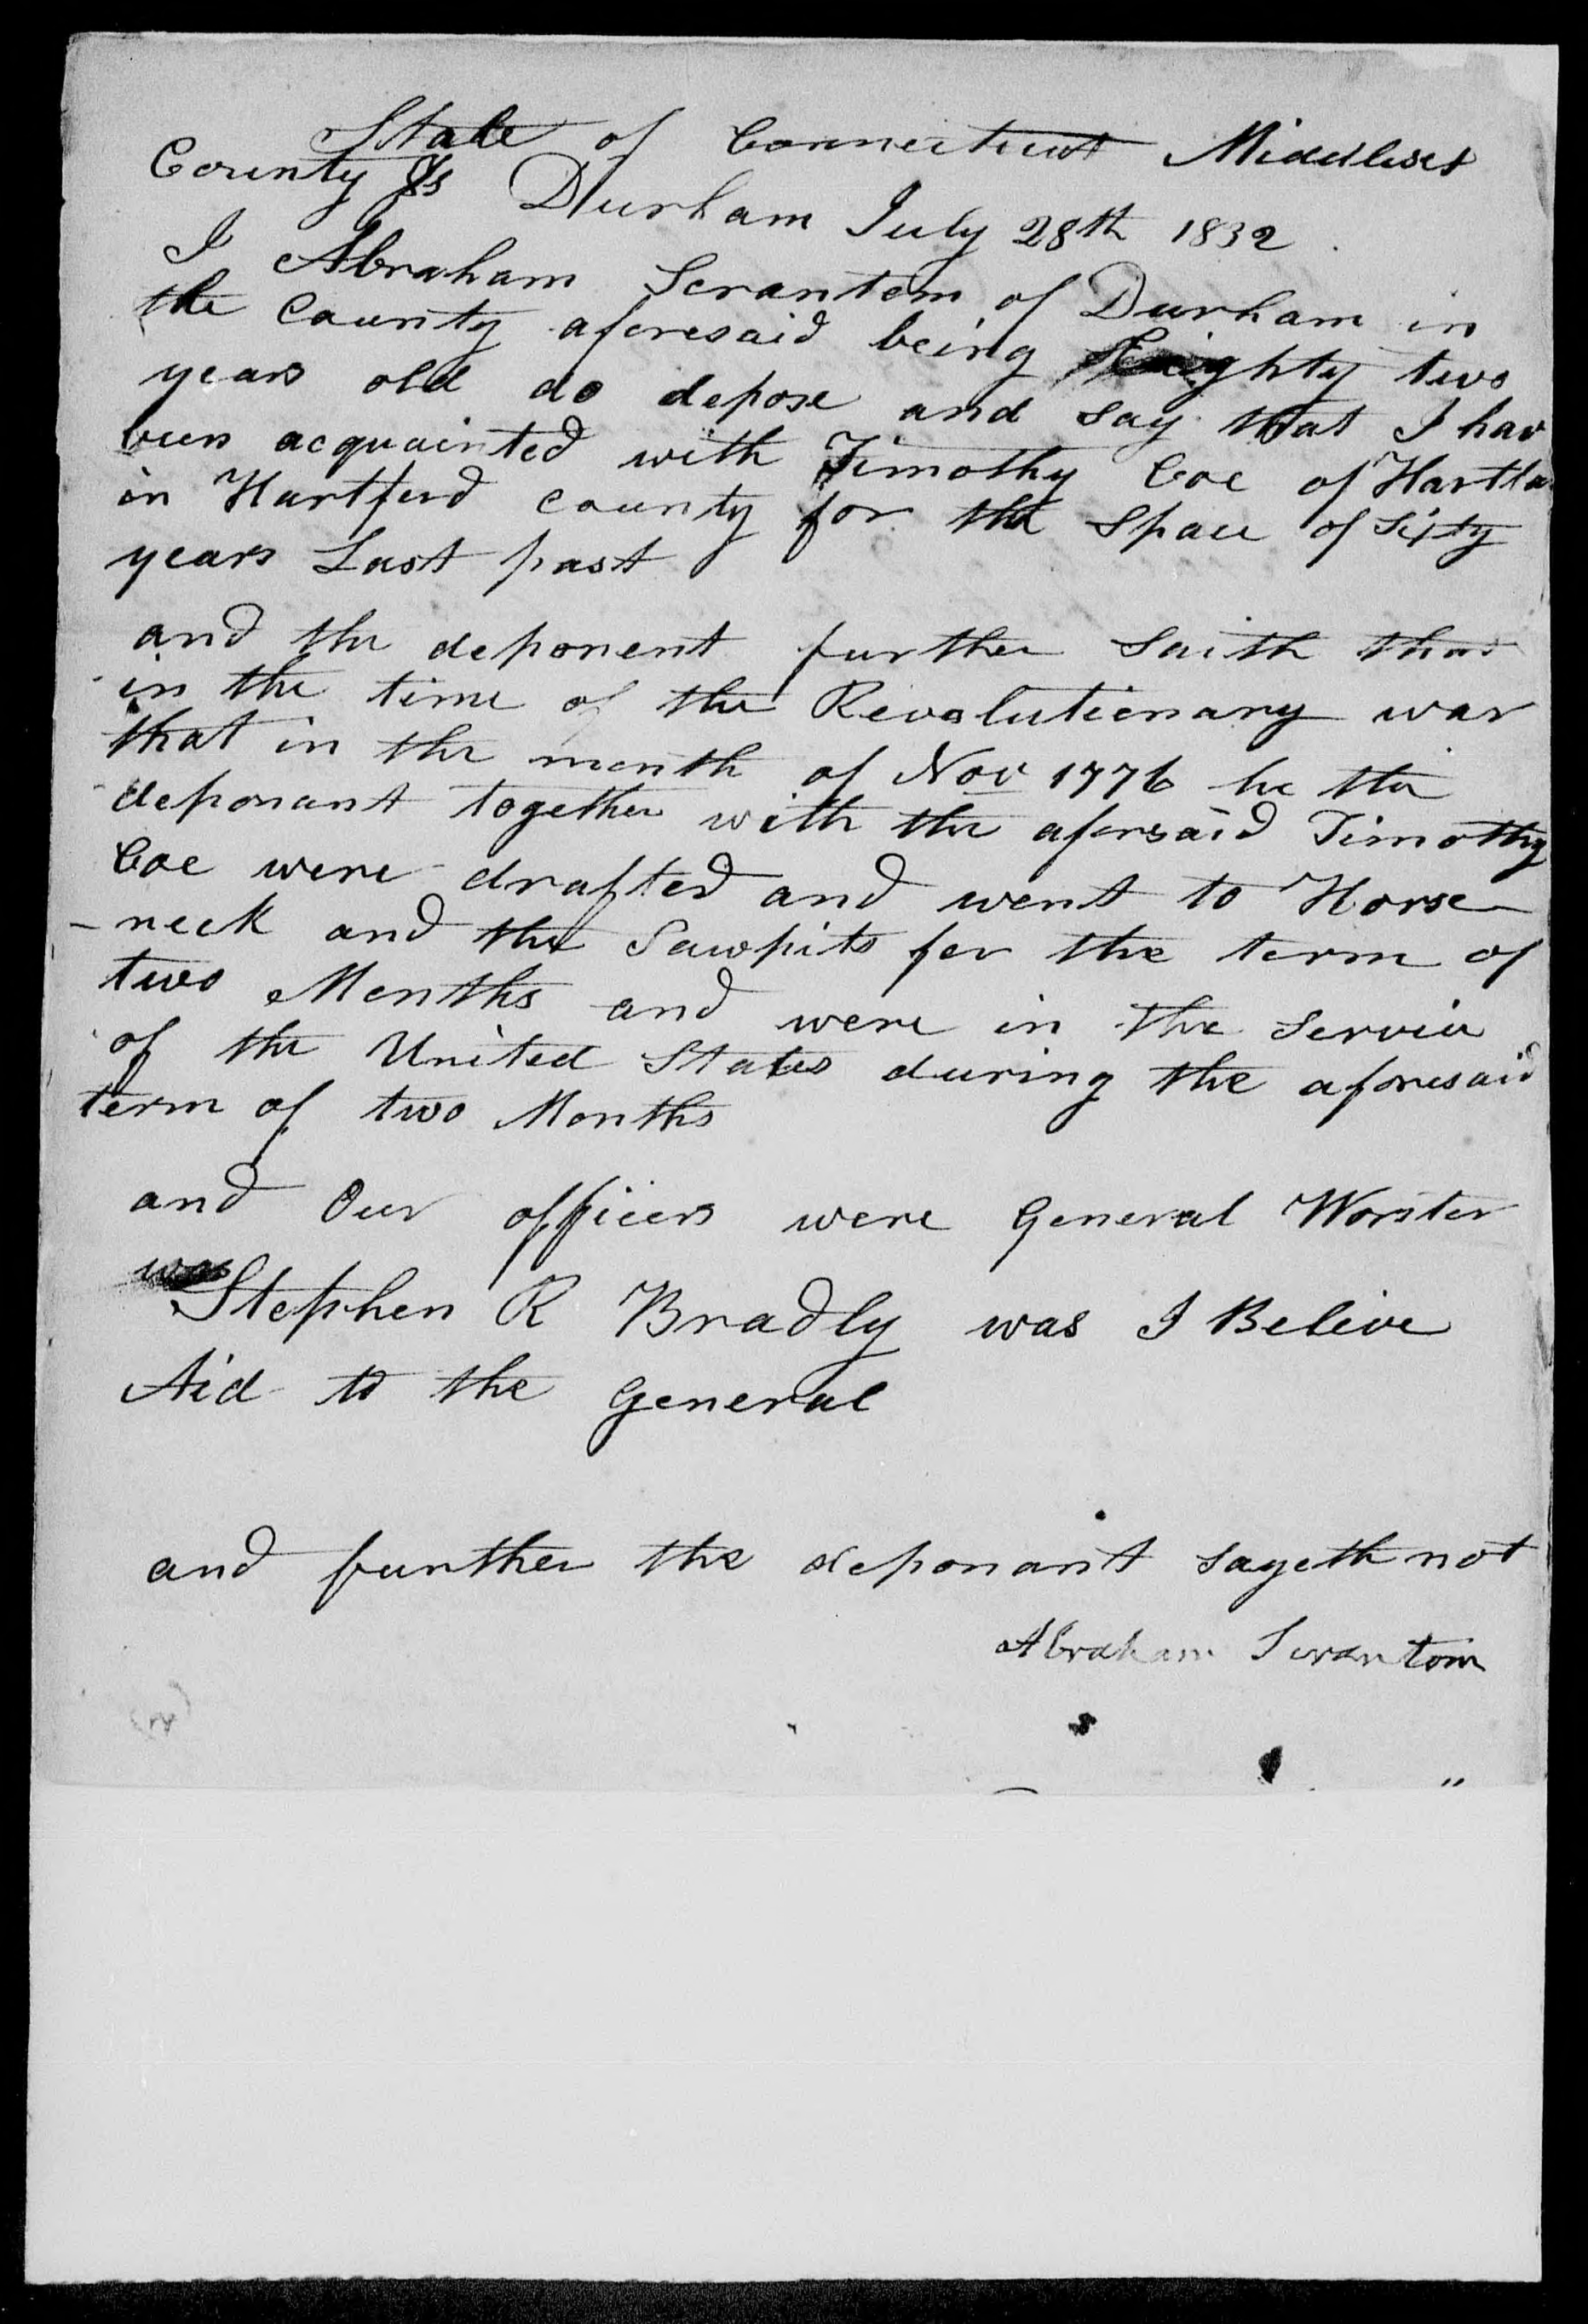County State of Connecticut Middlesex County
Durham July 28th 1832.
I Abraham Scranton of Durham in
the County aforesaid being eighty five
years old do depose and say that I have been acquainted with Timothy Coe of Hartland in Hartford County for the space of sixty years last past
and the deponent further saith that in the time of the Revolutionary war that in the month 
of Nov 1776 he the
deponent together with the aforesaid Timothy
Coe were drafted and went to Horse-neck and the sawpits for the term of two months and
term of two months and were in the service of
the United States during the aforesaid term of two months
and our officers were General Worster
Stephen R Bradley was I believe Aid [Aide] to the General
and further the deponant sayeth not
Abraham Scrantom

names: Timothy Coe, Wooster, Abraham Scrantom, Timothy Coe, Abraham Scrantom, Stephen R Bradly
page: 15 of 76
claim: widow's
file: W. 5,250, Timothy Coe, Conn.